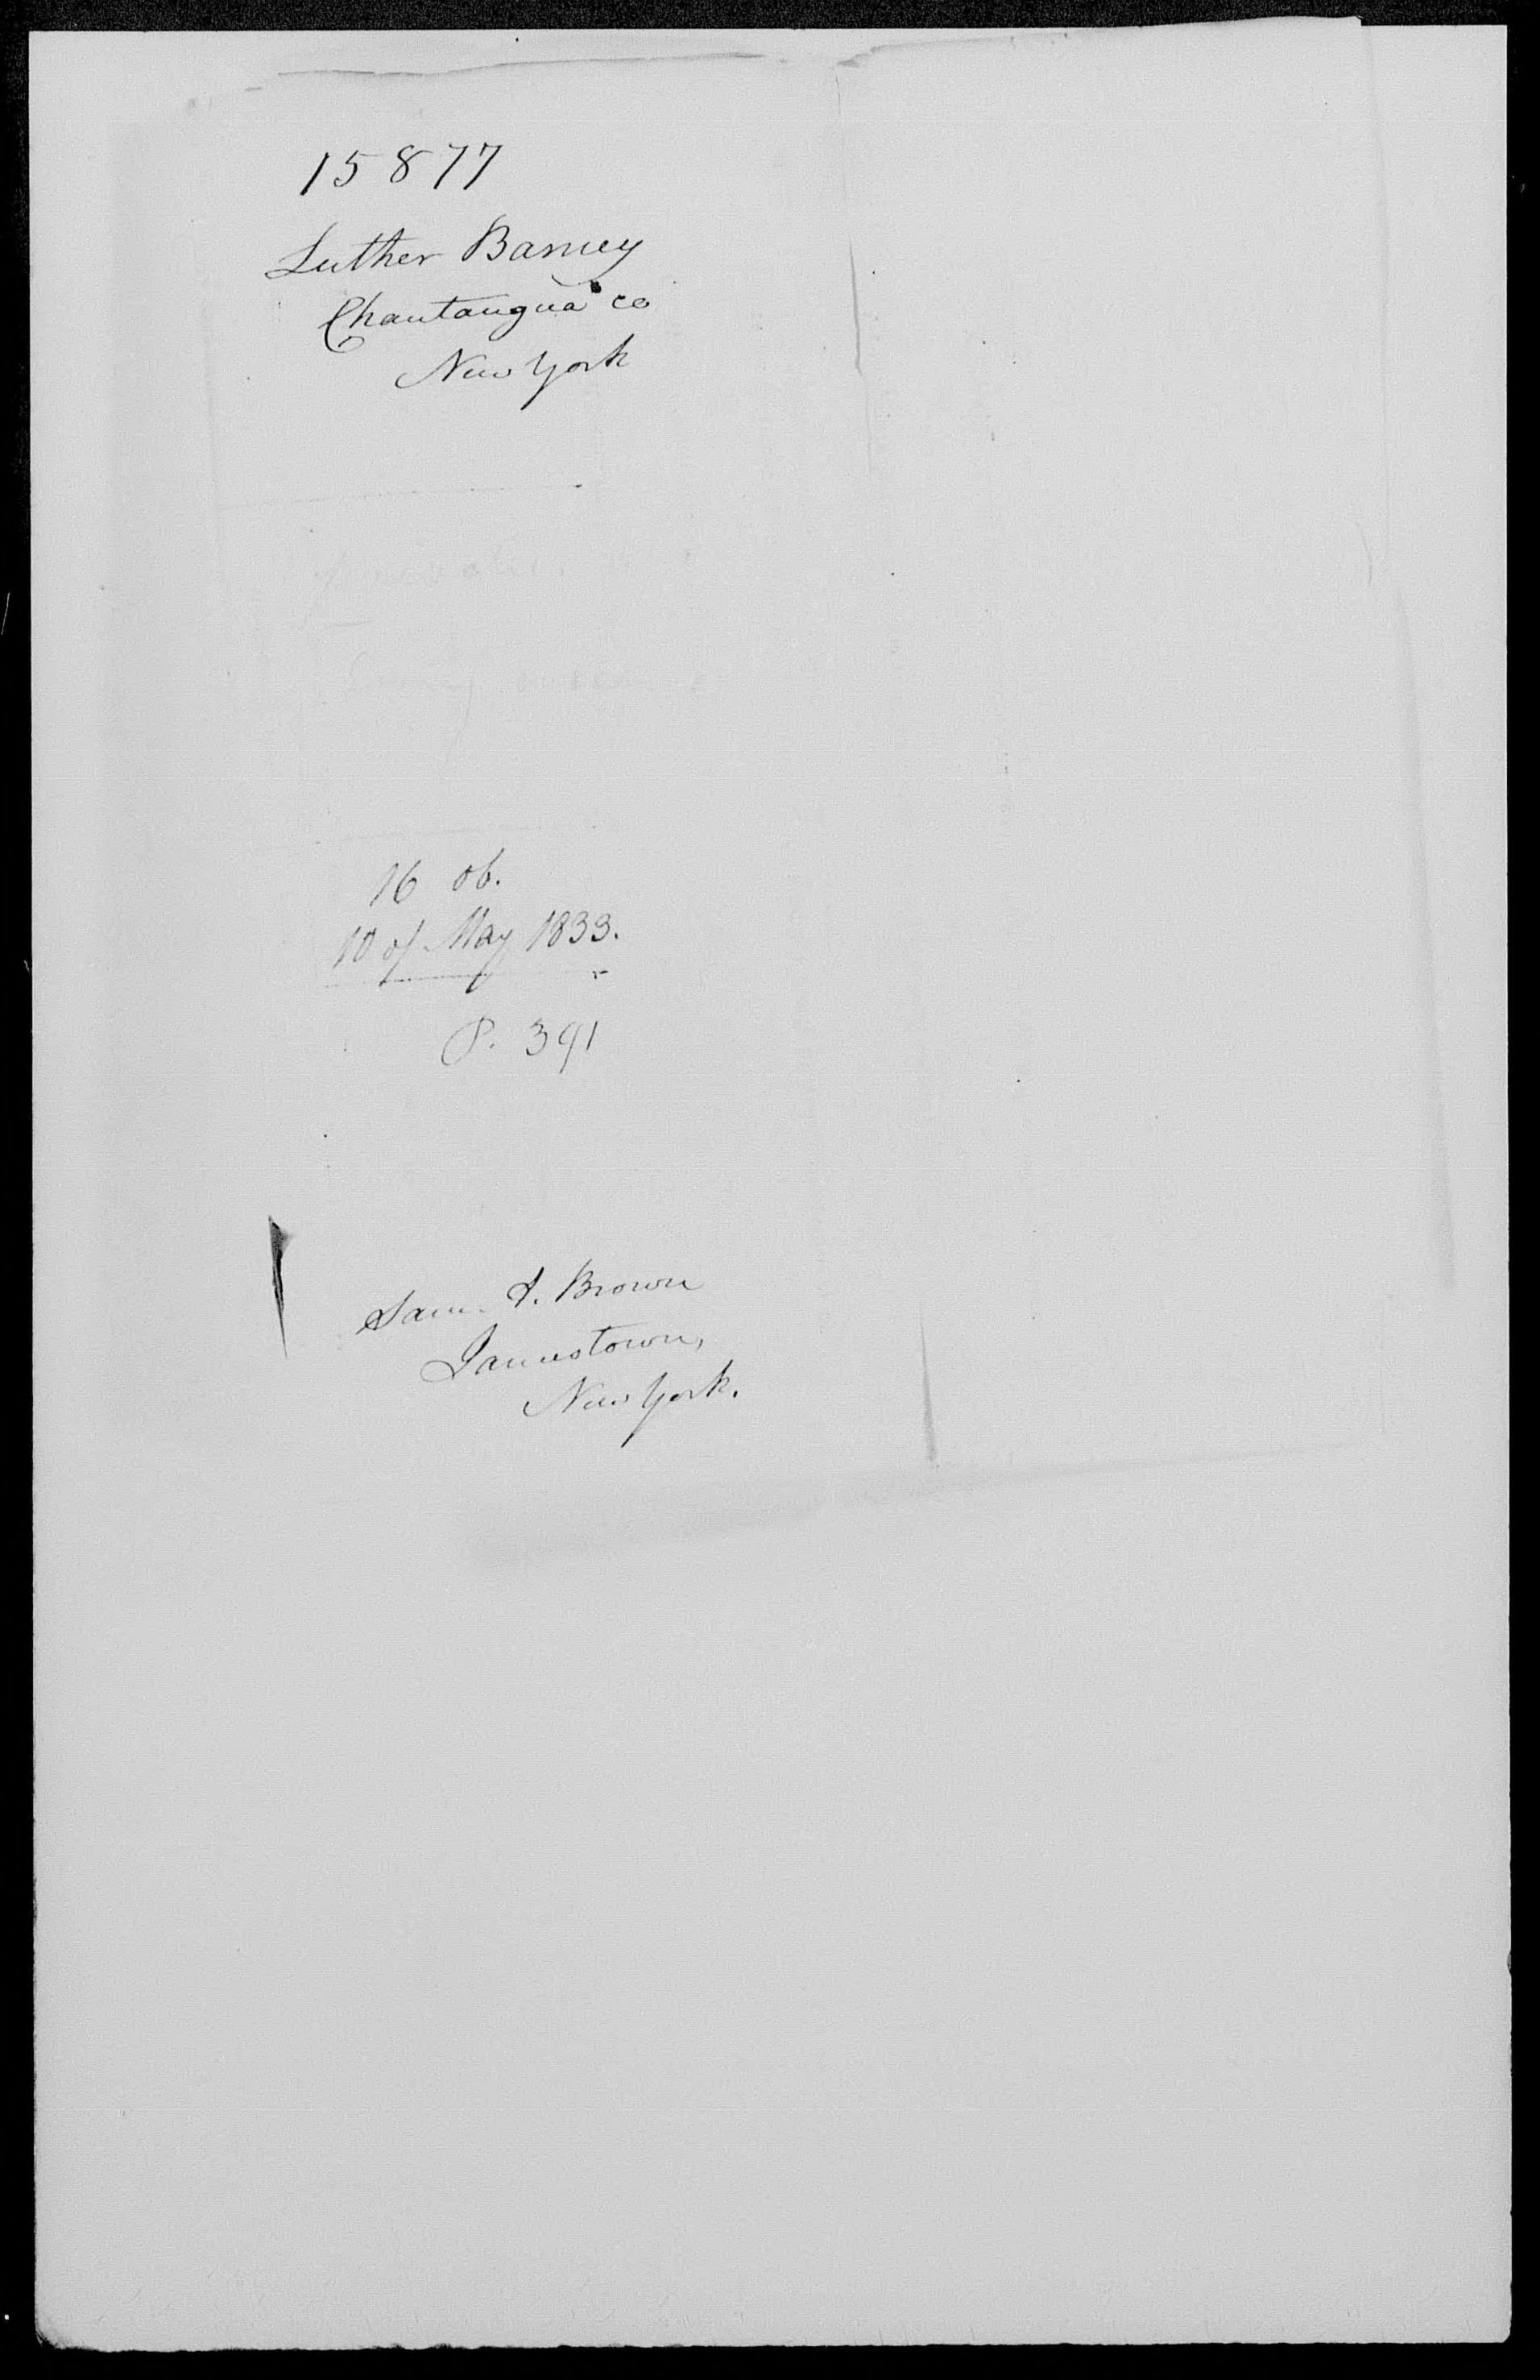16 of.
10 of May 1833.
P. 391
Samual A. Brown
Jamestown, New York.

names: Luther Barney, Sam A Brown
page: 11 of 61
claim: widow's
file: W. 4.124, Luther Barney, Conn. Privateer.